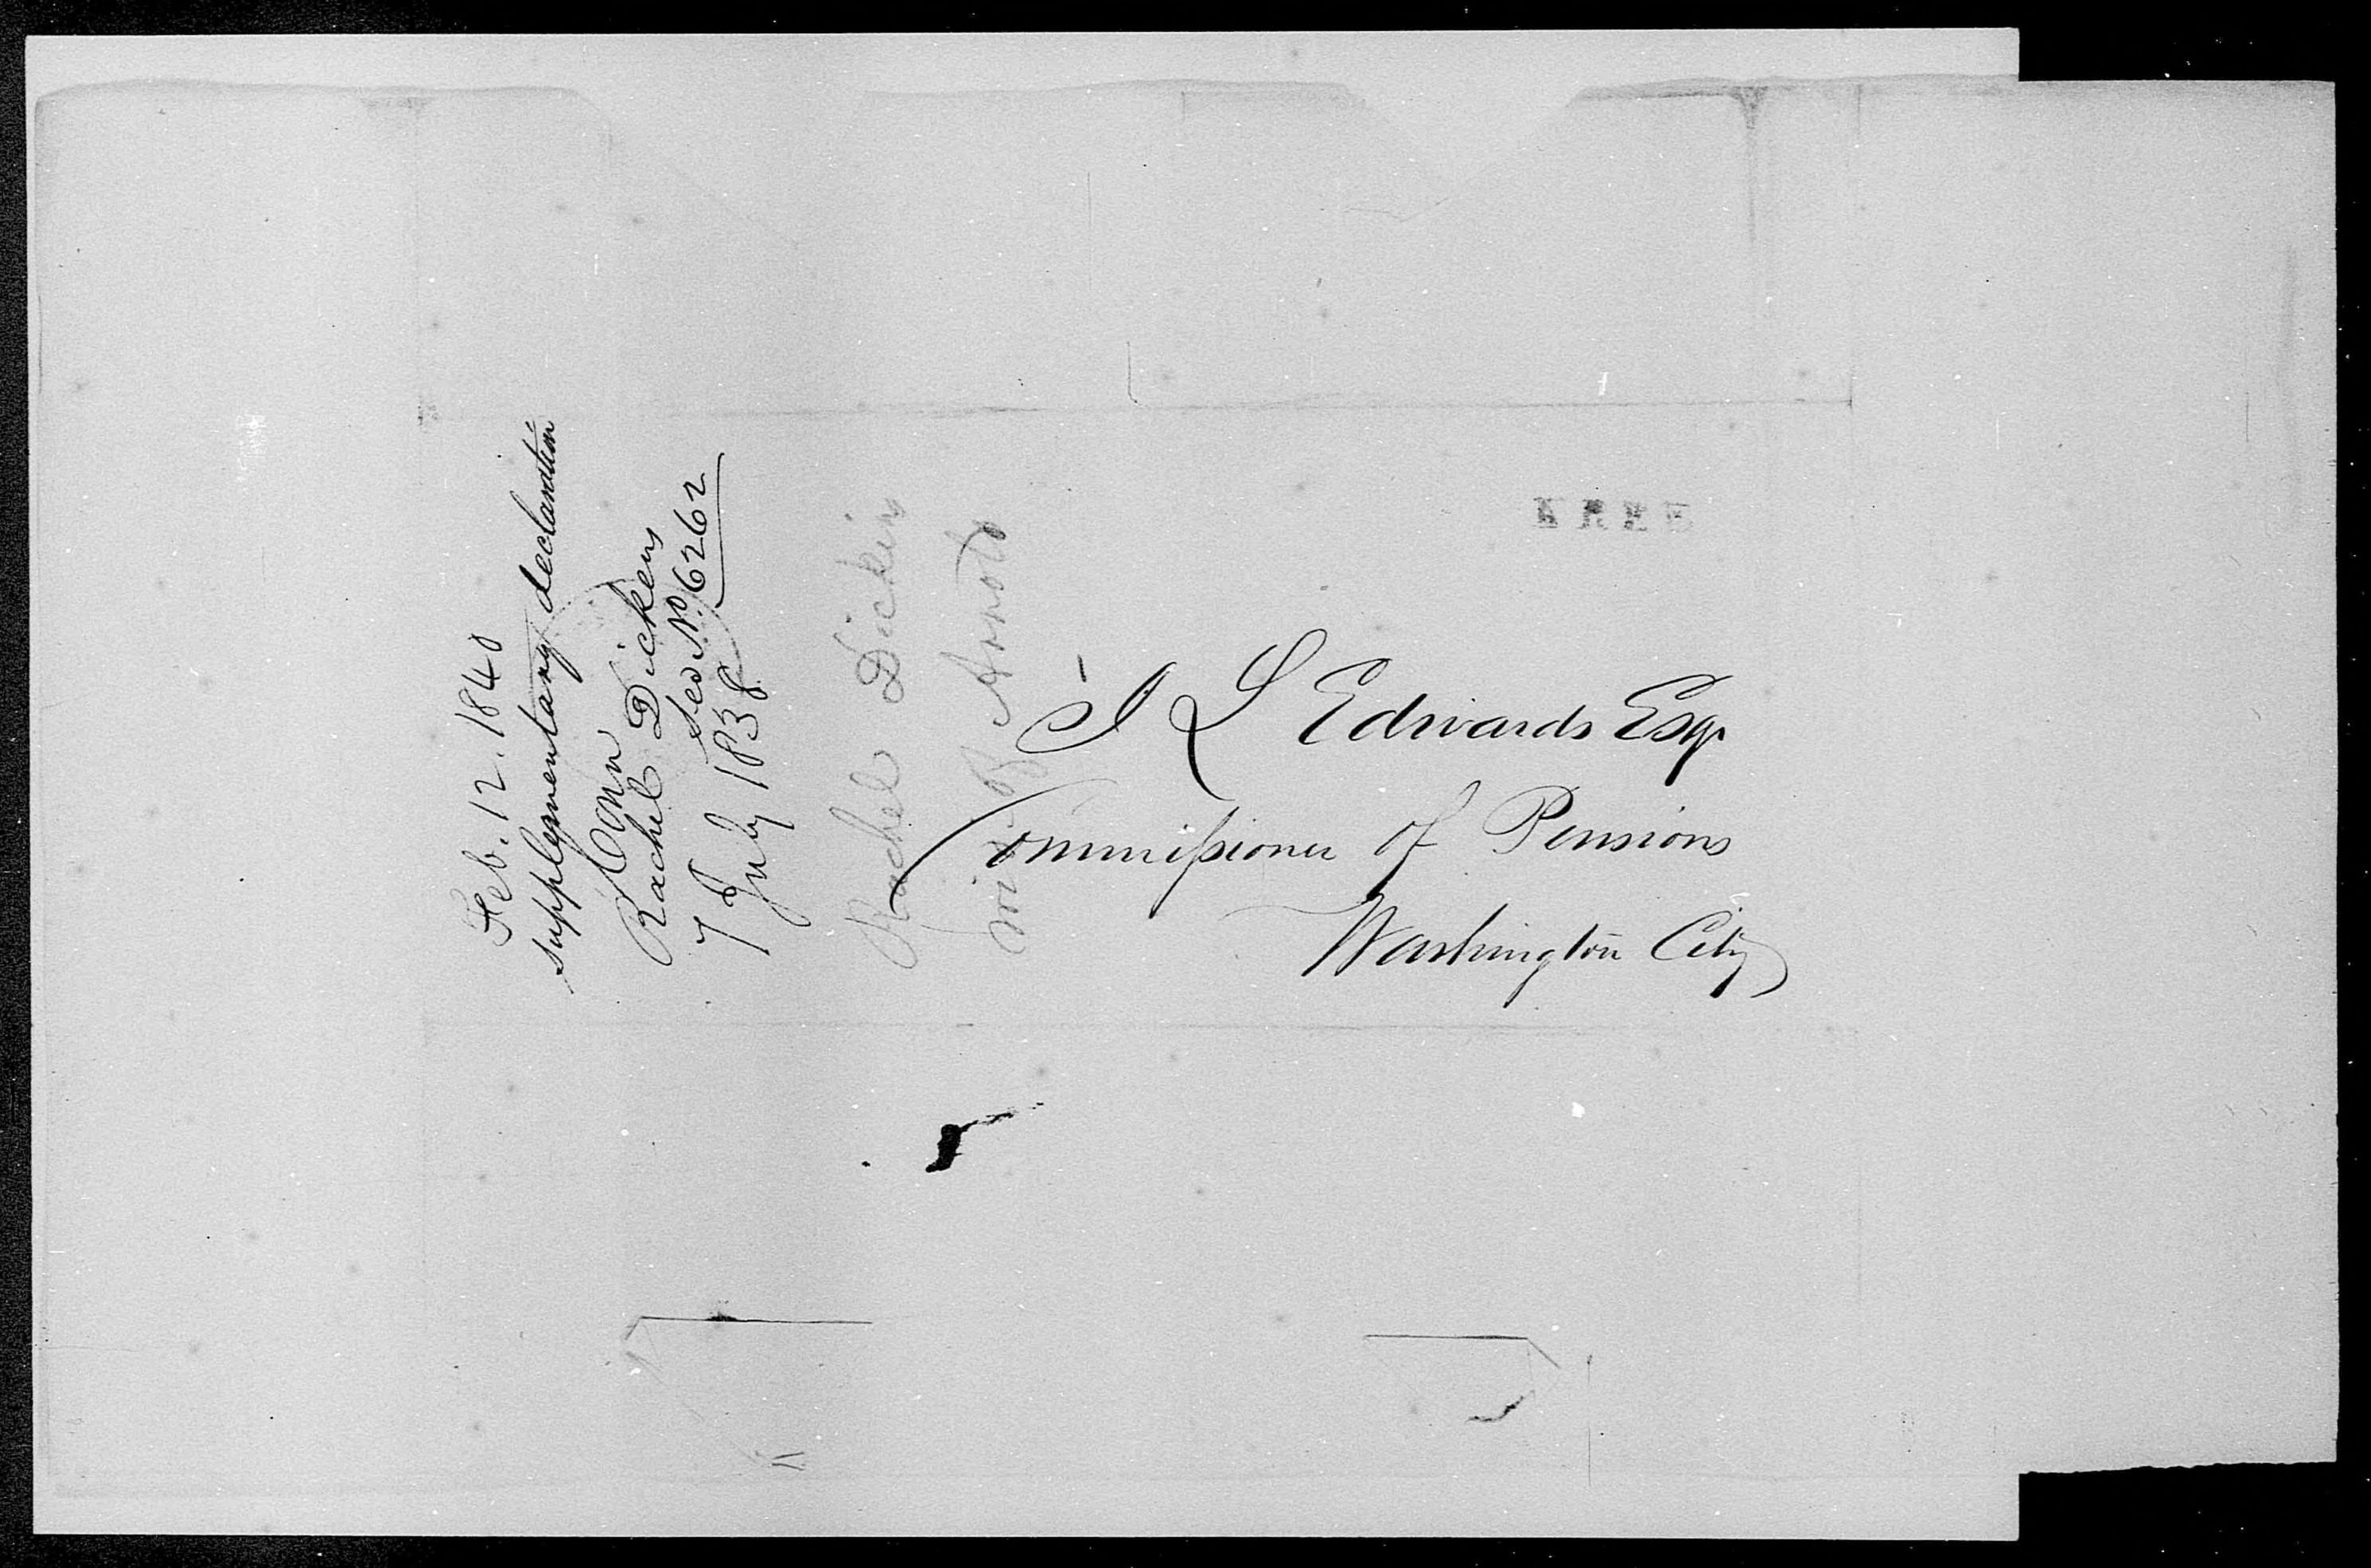Document appears to be an envelope

FREE
J L Edwards Esqr
Commissioner of Pensions
Washington City

Written on end:

Feb. 12. 1840
Supplementary declaration
Conn
Rachel Dickens
Sec No 6262
7 July 1838

Rachel Dickens
wid of Arnold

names: Arnold Dickins, Rachael Dickens, J L Edwards, Rachel Dickins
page: 15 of 29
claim: widow's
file: W. 17720, Arnold Dickens, New York